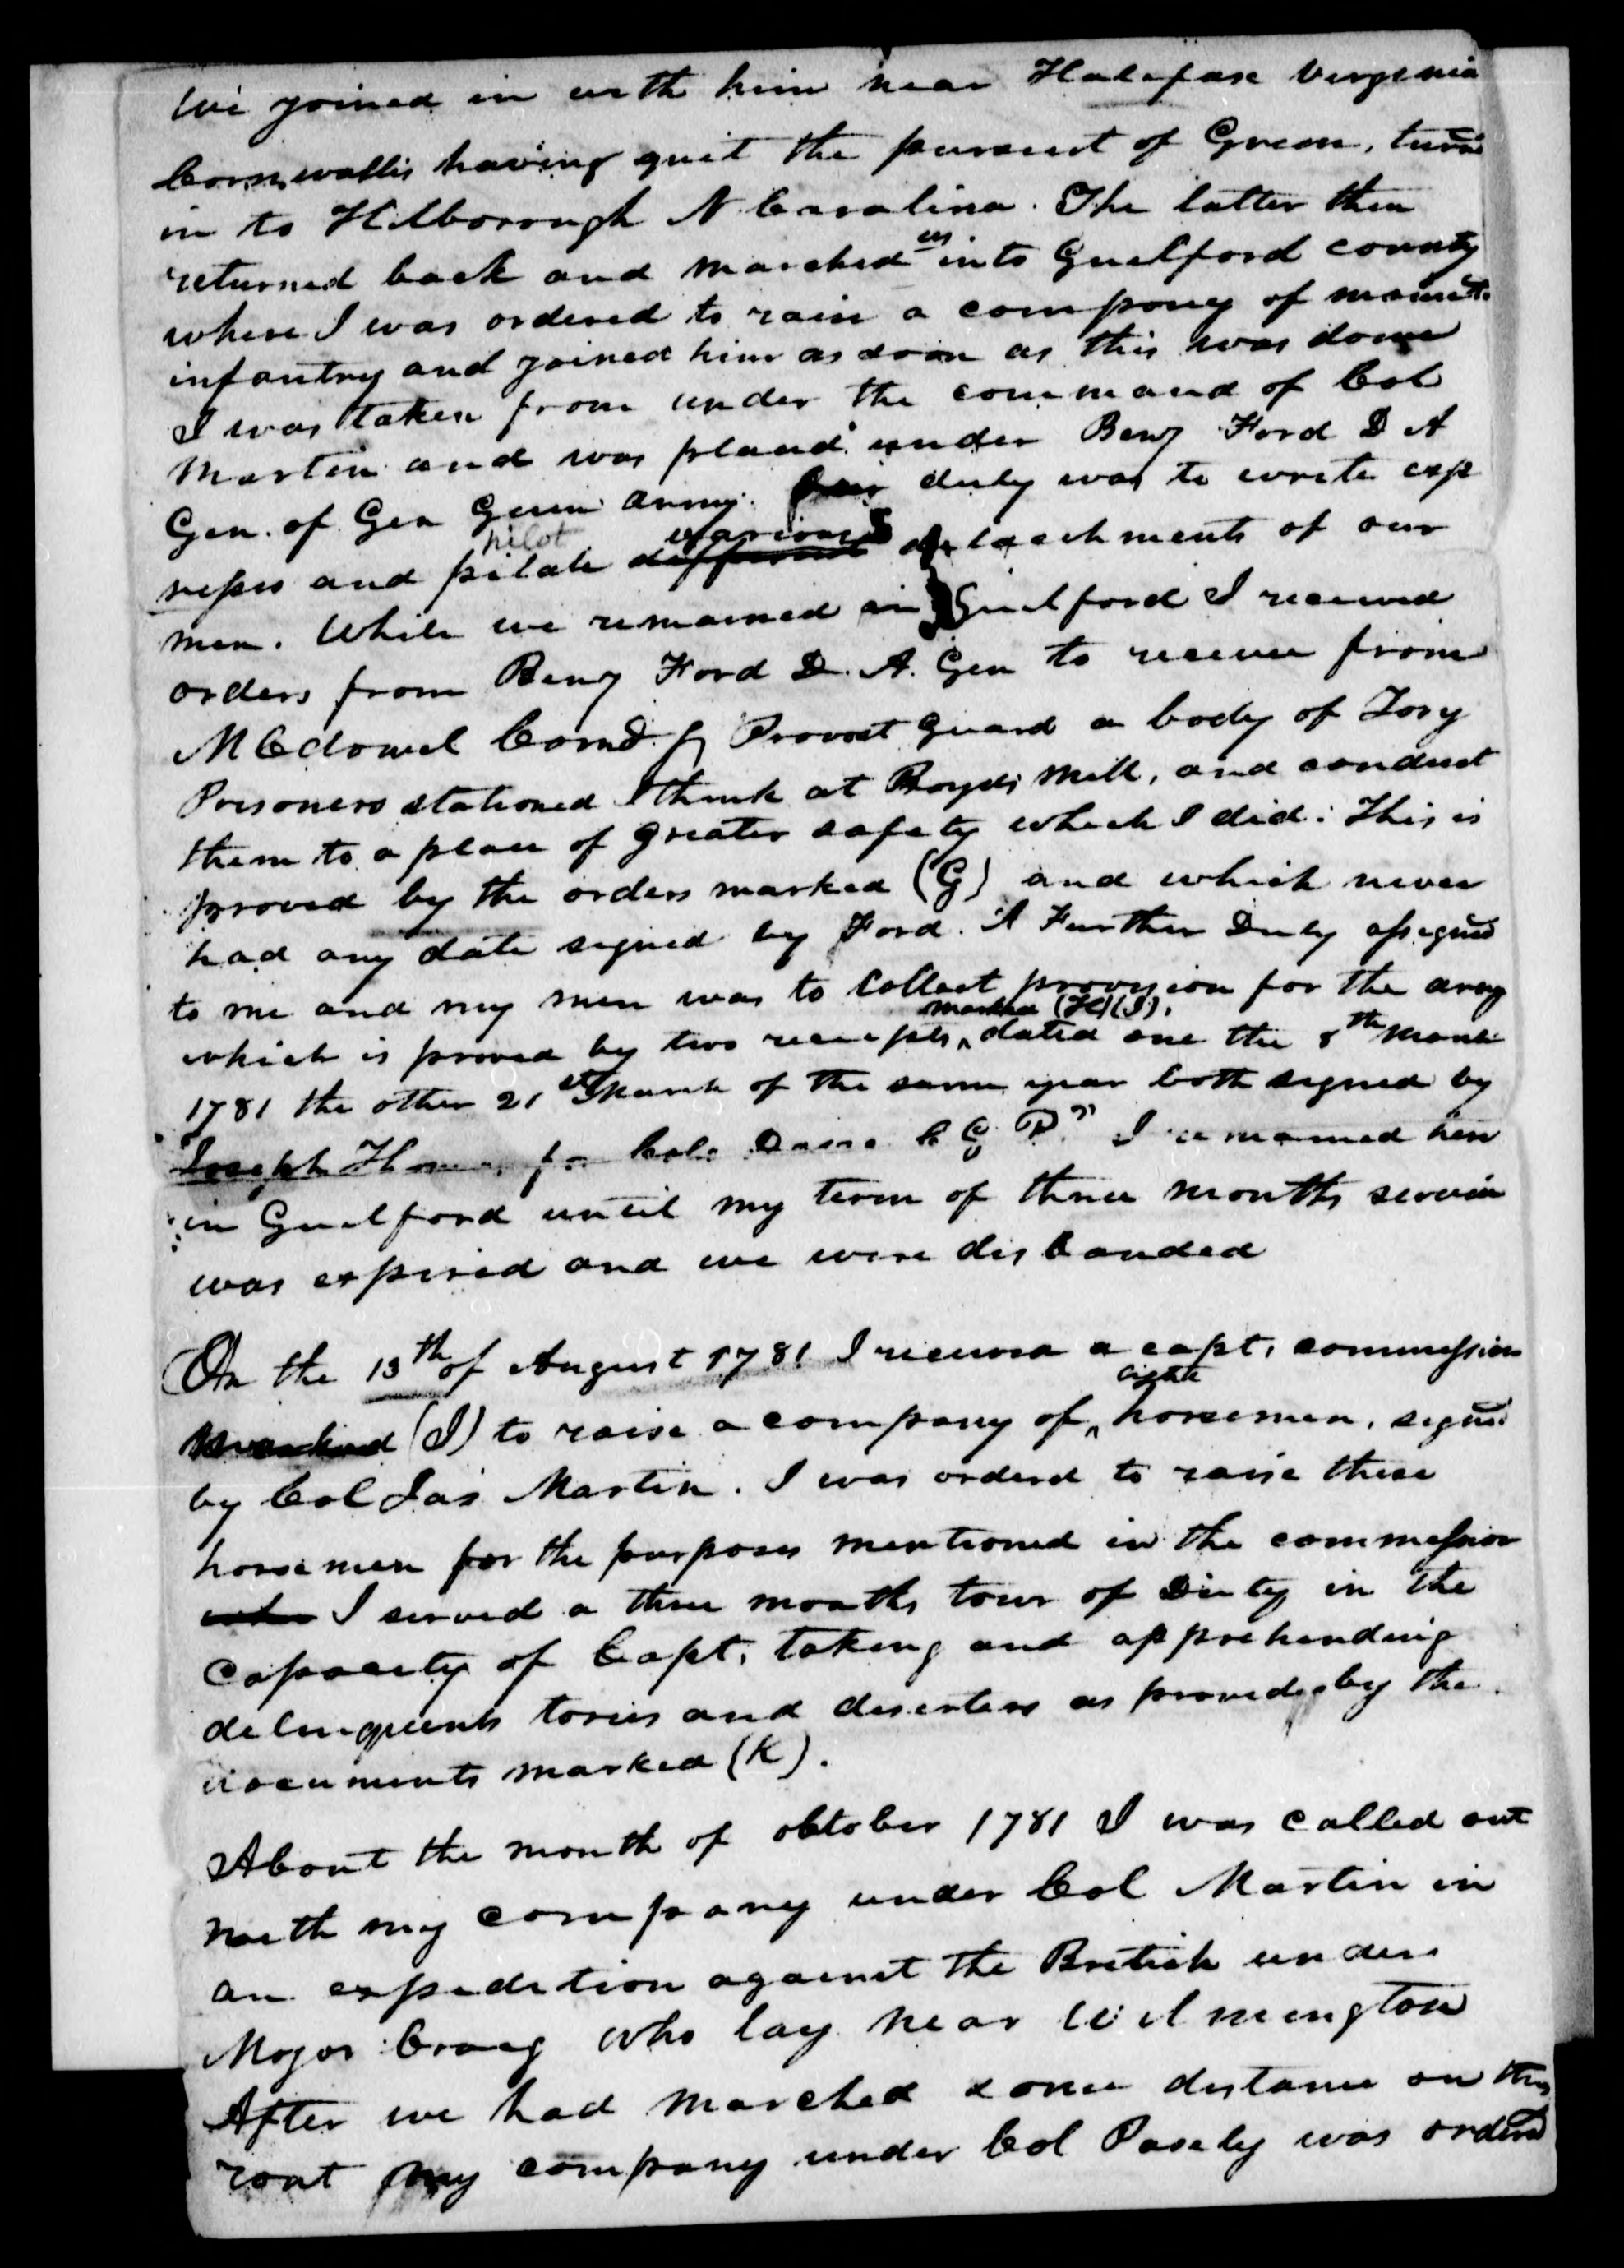We joined in with him near Halifax, Virginia. Cornwallis having quit pursuit of Green, turned in to Hillsborough, N Carolina. The latter then returned back and marched us into Guilford county where I was ordered to raise a company of mounted infantry and joined him as soon as this was done. I was taken from under the command of Col. Martin and was placed under Benj. Ford D. A. Gen. of Gen. Green’s army. Our duty was to write expresses and pilot various detachments of our men. While we remained in Guilford I received orders from Benj. Ford D. A. Gen. to receive from McClowed Comd. of Provost Guard a body of Tory Prisoners stationed, I think, at Boyd’s Mill, and conduct them to a place of greater safety which I did. This is proved by the orders marked (G) and which never had any date signed by Ford. A further duty assigned to me and my men was to collect provision for the army which is proved by two receipts marked (H) (I), dated one the 8th of March 1781, the other 21st of March of the same year, both signed by Joseph Thomas for Col. Davie C. G. P.” I remained here in Guilford until my term of three months service was expired and we were disbanded. On the 13th of August 1781, I received a capt.’s commission marked (J) to raise a company of light horsemen, signed by Col. Jas Martin. I was ordered to raise these horsemen for the purposes mentioned in the commission. I served a three months tour of duty in the capacity of Capt. taking and apprehending delinquent, Tories and dissenters proved by the documents marked (K). About the month of October 1781, I was called out with my company under Col. Martin in an expedition against British under Major Craig who lay near Wilmington. After we had marched some distance on this route my company under Col. Pasely was ordered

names: Martin, Martin, Davis, Benj Ford, Ford, Green, Jas Martin, Joseph Thomas, Mc Dowel, Craig, Benj Ford, Pasely, Cornwallis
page: 10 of 105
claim: survivor's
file: S. 1883, Richard Vernon, N.C.